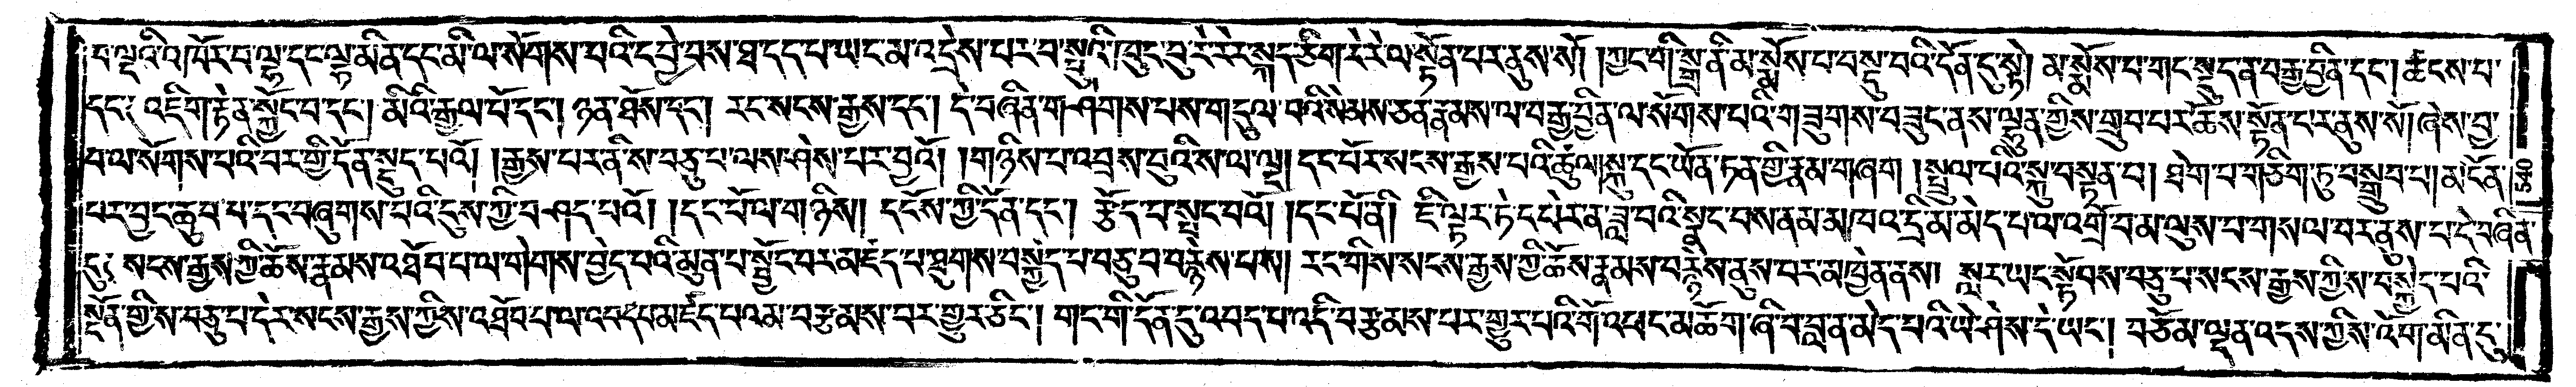བ་ལྔའི་འཁོར་བ་ལྷ་དང་ལྷ་མིན་དང་མི་ལ་སོགས་པའི་དབྱེ་བས་ཐ་དད་པ་ཡང་མ་འདྲེས་པར་བ་སྤུའི་ཁུང་བུ་རེ་རེར་སྐད་ཅིག་རེ་རེ་ལ་སྟོན་པར་ནུས་སོ། །ཀྱང་གི་སྒྲ་ནི་མ་སྨོས་པ་བསྡུ་བའི་དོན་དུ་སྟེ། མ་སྨོས་པ་གང་སྡུད་ན་བརྒྱ་བྱིན་དང་། ཚངས་པ་
དང༑ འཇིག་རྟེན་སྐྱོང་བ་དང་། མིའི་རྒྱལ་པོ་དང་། ཉན་ཐོས་དང་། རང་སངས་རྒྱས་དང་། དེ་བཞིན་གཤེགས་པས་གདུལ་བའི་སེམས་ཅན་རྣམས་ལ་བརྒྱ་བྱིན་ལ་སོགས་པའི་གཟུགས་བཟུང་ནས་ལྷུན་གྱིས་གྲུབ་པར་ཆོས་སྟོན་པར་ནུས་སོ། ཞེས་བྱ་
བ་ལ་སོགས་པའི་བར་གྱི་དོན་སྡུད་པའོ། །རྒྱས་པར་ནི་ས་བཅུ་པ་ལས་ཤེས་པར་བྱའོ། །གཉིས་པ་འབྲས་བུའི་ས་ལ་ལྔ། དང་པོར་སངས་རྒྱས་པའི་ཚུལ། སྐུ་དང་ཡོན་ཏན་གྱི་རྣམ་གཞག །སྤྲུལ་པའི་སྐུ་བསྟན་པ། ཐེག་པ་གཅིག་ཏུ་བསྒྲུབ་པ། མངོན་
པར་བྱང་ཆུབ་པ་དང་བཞུགས་པའི་དུས་ཀྱི་བཤད་པའོ། །དང་པོ་ལ་གཉིས། དངོས་ཀྱི་དོན་དང་། རྩོད་པ་སྤང་བའོ། །དང་པོ་ནི། ཇི་ལྟར་ཏེ་དཔེར་ན་ཟླ་བའི་སྣང་བས་ནམ་མཁའ་དྲི་མ་མེད་པ་ལ་འགྲོ་བ་མ་ལུས་པ་གསལ་བར་ནུས་པ་དེ་བཞིན་
དུ༑ སངས་རྒྱས་ཀྱི་ཆོས་རྣམས་འཐོབ་པ་ལ་གེགས་བྱེད་པའི་མུན་པ་སྦྱོང་བར་མཛད་པ་ཐུགས་བསྐྱེད་པ་བཅུ་པ་བརྙེས་པས། རང་གིས་སངས་རྒྱས་ཀྱི་ཆོས་རྣམས་བརྙེས་ནུས་པར་མཁྱེན་ནས། སླར་ཡང་སྟོབས་བཅུ་པ་སངས་རྒྱས་ཀྱི་ས་བསྐྱེད་པའི་
སྔོན་གྱི་ས་བཅུ་པ་དེར་སངས་རྒྱས་ཀྱི་ས་འཐོབ་པ་ལ་འབད་པ་མཛད་པའམ་བརྩམས་པར་གྱུར་ཅིང་། གང་གི་དོན་དུ་འབད་པ་འདི་བརྩམས་པར་གྱུར་པའི་གོ་འཕང་མཆོག་ཞི་བ་བླ་ན་མེད་པའི་ཡེ་ཤེས་དེ་ཡང་། བཅོམ་ལྡན་འདས་ཀྱིས་འོག་མིན་དུ་